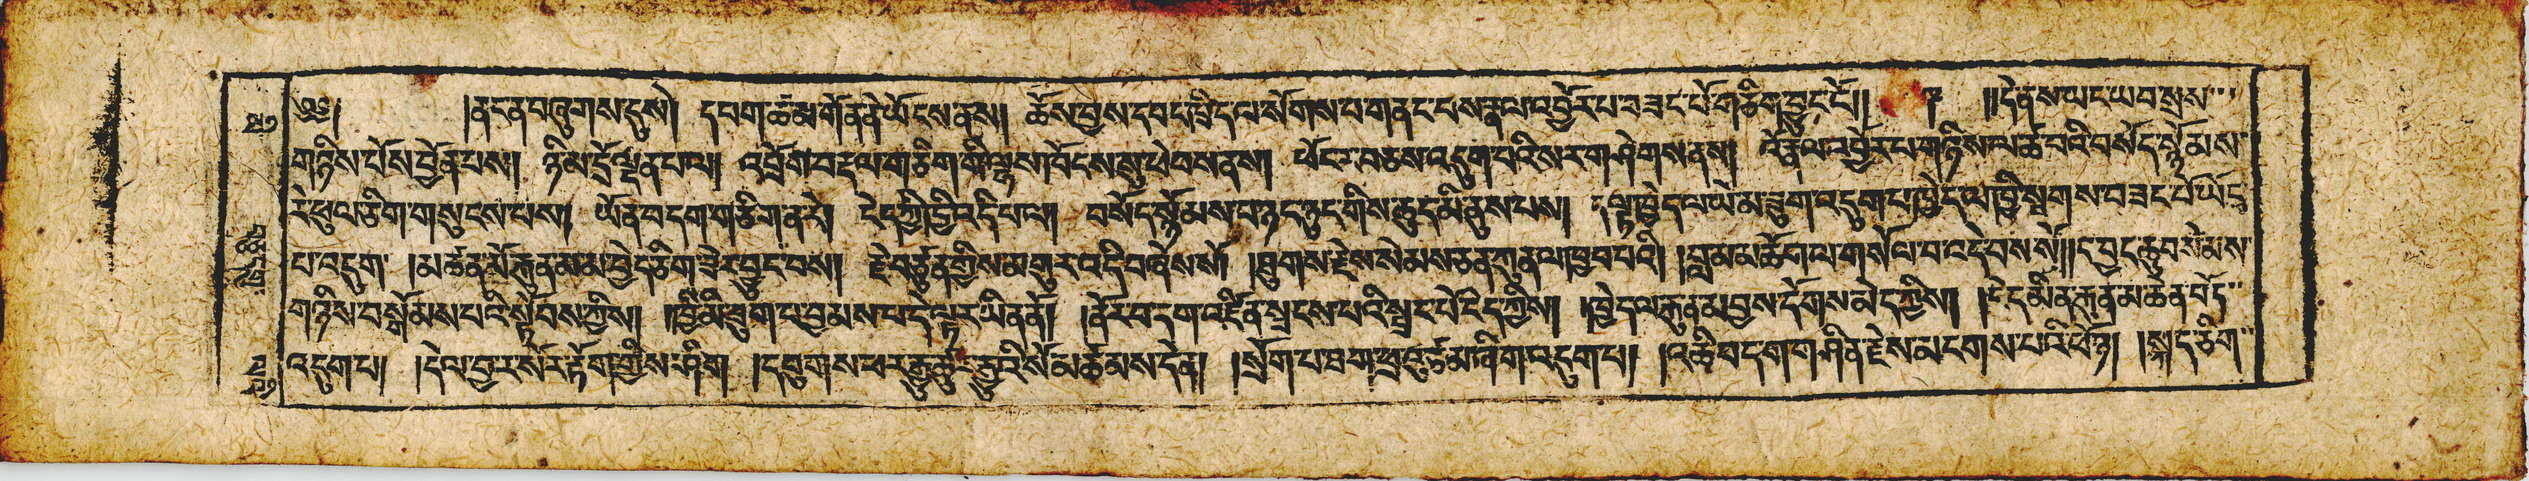ནང་ན་བཞུགས་དུས། དབག་ཚ་མ་གོན་ནེ་ཡོངས་ནས། ཆོས་བྱས་དབང་ཁྲིད་ལ་སོགས་པ་གནང་བས་རྣལ་འབྱོར་པ་བཟང་པོ་གཅིག་བྱུང་ངོ་།། ༈ དེ་ནས་ཡང་ཡབ་སྲས་
གཉིས་པོས་བྱོན་པས། ཉི་མ་དྲོ་ལྡན་པ་ལ། འབྲོག་བརྡལ་གཅིག་གི་ལྷས་ཁོངས་སུ་ཕེབས་ནས། ཕོང་ར་བཅས་འདུག་པའི་སར་གཤེགས་ནས། འོ་རྣལ་འབྱོར་པ་གཉིས་ལ་ཚ་བའི་བསོད་སྙོམས་
རེ་ཕུལ་ཅིག་གསུངས་པས། ཡོན་བདག་གཅིག་ན་རེ། ངེད་ཀྱི་ཁྱི་འདི་པ་ལ། བསོད་སྙོམས་པ་ཉང་ཉུང་གིས་ཆུད་མི་ནུས་པས། དལྟ་ཁྱེད་ལ་ཡེ་མ་ཟུག་འདུག་པ་ཁྱེད་ལ་ཁྱི་སྔགས་བཟང་པོ་ཡོད་
པ་འདུག །མཚན་མོ་རྐུན་མ་མ་བྱེད་ཅིག་ཟེར་བྱུང་བས། རྗེ་བཙུན་གྱིས་མགུར་འདི་བཞེས་སོ། །ཐུགས་རྗེས་སེམས་ཅན་ཀུན་ལ་ཁྱབ་པའི། །བླ་མཆོག་ལ་གསལ་བ་འདེབས། །ད་བྱང་ཆུབ་སེམས་
གཉིས་བསྒོམས་པའི་སྟོབས་ཀྱིས། ཁྱིའི་ཟུག་པ་བྱམས་པ་དེ་ལྟར་ཡིན་ནོ། །ནོར་བདག་འཛིན་སྤངས་པའི་སྦྲང་པོ་ངེད་ཀྱིས། །ཁྱེད་ལ་རྐུན་མ་བྱས་དོགས་མེད་ཀྱིས། །ངེད་མིན་ཀུན་མ་ཆེན་པོ་ད་
འདུག་པ། །དེ་ལ་བྱ་ར་སོར་རྟོག་གྱིས་ཤིག །དབུགས་ཕར་རྒྱུ་ཚུར་རྒྱུའི་སོ་མཚམས་དེ་ན། །སྲོག་པ་ཐག་ཕྲའུ་ཙམ་ཞིག་འདུག་པ། །འཆི་བདག་གཤིན་རྗེས་མངགས་པའི་ཕོ་ཉ། །སྐད་ཅིག་